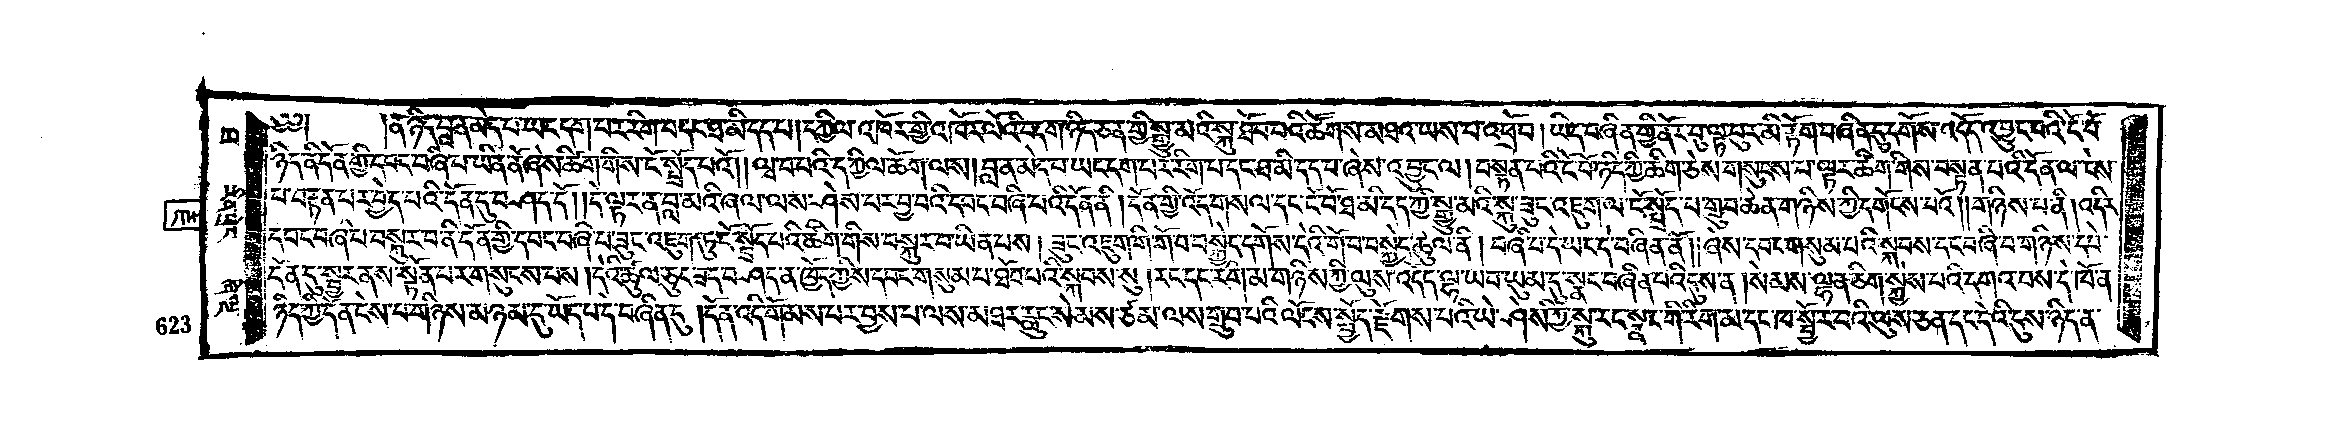༄༅། །ན་ཉིད་བླ་ན་མེད་པ་ཡང་དག་པར་རིག་པ་དང་ཐ་མི་དད་པ། དཀྱིལ་འཁོར་གྱི་འཁོར་ལོའི་བདག་ཉིད་ཅན་གྱི་སྒྱུ་མའི་སྐུ་ཐོབ་པའི་ཚོགས་མཐའ་ཡས་པ་འཕྲོ་བ། ཡིད་བཞིན་གྱི་ནོར་བུ་ལྟ་བུར་མི་རྟོག་བཞིན་དུ་དགོས་འདོད་འབྱུང་བའི་ངོ་བོ་
ཉིད་ནི་དོན་གྱི་དབང་བཞི་པ་ཡིན་ནོ་ཞེས་ཚིག་གིས་ངོ་སྤྲོད་པའོ། །ལྭ་བ་པའི་དཀྱིལ་ཆོག་ལས། བླ་ན་མེད་པ་ཡང་དག་པར་རིག་པ་དང་ཐ་མི་དད་པ་ཞེས་འབྱུང་ལ། བསྟན་པའི་ངོ་བོ་ཉིད་ཀྱི་ཚིག་ཅེས་གསུངས་པ་ལྟར་ཚིག་གིས་བསྟན་པའི་དོན་ལ་ངེས་
པ་བརྟན་པར་བྱེད་པའི་དོན་དུ་བཤད་དོ། །དེ་ལྟར་ན་བླ་མའི་ཞལ་ལས་ཤེས་པར་བྱ་བའི་དབང་བཞི་པའི་དོན་ནི། དོན་གྱི་འོད་གསལ་དང་ངོ་བོ་ཐ་མི་དད་ཀྱི་སྒྱུ་མའི་སྐུ་ཟུང་འཇུག་ལ་ངོ་སྤྲོད་པ་གྲུབ་ཆེན་གཉིས་ཀྱི་དགོངས་པའོ། །གཉིས་པ་ནི། འདིར་
དབང་བཞི་པ་བསྐུར་བ་ནི་དོན་གྱི་དབང་བཞི་པ་ཟུང་འཇུག་ཏུ་ངོ་སྤྲོད་པའི་ཚིག་གིས་བསྐུར་བ་ཡིན་པས། ཟུང་འཇུག་གི་གོ་བ་བསྐྱེད་དགོས་དེའི་གོ་བ་བསྐྱེད་ཚུལ་ནི། བཞི་པ་དེ་ཡང་དེ་བཞིན་ནོ། །ཞེས་དབང་གསུམ་པའི་སྐབས་དང་བཞི་བ་གཉིས་དཔེ་
དོན་དུ་སྦྱར་ནས་སྟོན་པར་གསུངས་པས། དེའི་ཚུལ་ཅུང་ཟད་བཤད་ན་ཁྱོད་ཀྱིས་དབང་གསུམ་པ་ཐོབ་པའི་སྐབས་སུ། རང་དང་རིག་མ་གཉིས་ཀྱི་ལུས་འདོད་ལྷ་ཡབ་ཡུམ་དུ་སྣང་བཞིན་པའི་དུས་ན། སེམས་ལྷན་ཅིག་སྐྱེས་པའི་དགའ་བས་དེ་ཁོ་ན་
ཉིད་ཀྱི་དོན་ངེས་པ་གཉིས་མཉམ་དུ་ཡོད་པ་དེ་བཞིན་དུ། དོན་འདི་གོམས་པར་བྱས་པ་ལས་མཐར་རླུང་སེམས་ཙམ་ལས་གྲུབ་པའི་ལོངས་སྤྱོད་རྫོགས་པའི་ཡེ་ཤེས་ཀྱི་སྐུ་རང་སྣང་གི་རིག་མ་དང་ཁ་སྦྱོར་བའི་ལུས་ཅན་དང་དེའི་དུས་ཉིད་ན་